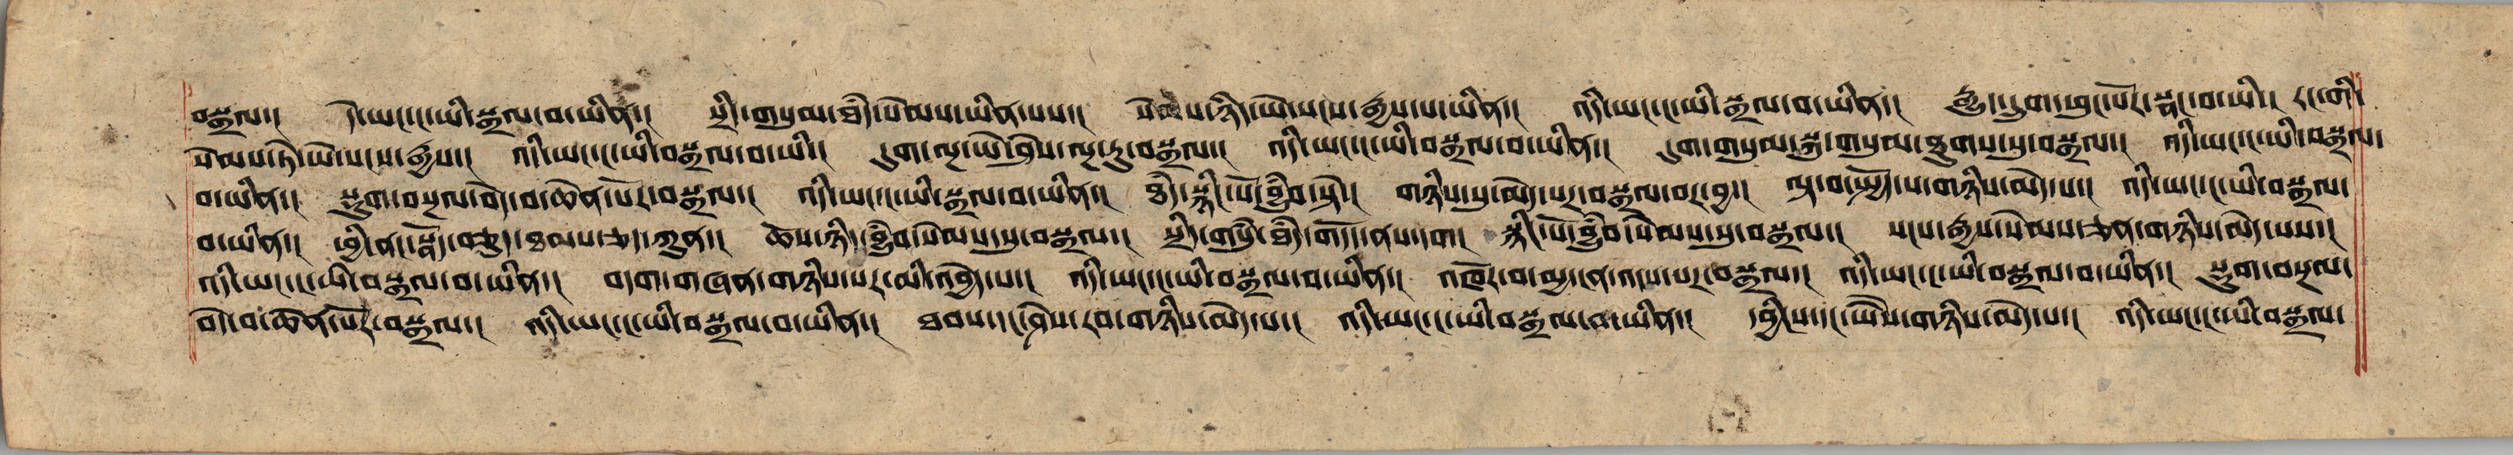བསྒྲལ་། དེ་ཡང་ང་ཡི་སྒྲལ་བ་ཡིན་། སྲིད་གསུམ་ཐཾད་སེམས་ཡིན་པས་། སེམས་ཉིད་ཡེ་སངས་རྒྱས་པ་ཡིན་། འདི་ཡང་ང་ཡི་སྒྲལ་བ་ཡིན་། རྒྱུད་དྲུག་ཕུང་པོར་སྣང་བ་ཡི་། རང་གི་
སེམས་ཏེ་ཡེ་སངས་རྒྱས་། འདི་ཡང་ང་ཡི་བསྒྲལ་བ་ཡི་། དུས་ལྔ་ཡེ་ཤེས་ལྔ་རུ་བསྒྲལ་། འདི་ཡང་ང་ཡི་བསྒྲལ་བ་ཡིན་། དུག་གསུམ་སྐུ་གསུམ་ཐུགས་སུ་བསྒྲལ་། འདི་ཡང་ང་ཡི་བསྒྲལ་
བ་ཡིན་། སྡུག་བསྔལ་བདེ་བ་ཆེན་པོར་བསྒྲལ་། འདི་ཡང་ང་ཡི་སྒྲལ་བ་ཡིན་། ཐཾད་སྙིང་པོ་བྱུཾབ་སྟེ་། གཉིས་སུ་མེད་པར་བསྒྲལ་བར་བྱ་། ལྟ་བ་སྤྱོད་པ་གཉིས་མེད་པ་། འདི་ཡང་ང་ཡི་བསྒྲལ་
བ་ཡིན་། ཕྱི་ནང་སྣོད་བཅུད་ཐམས་ཅད་ཀུན་། ཆོས་ཉིད་བྱུཾབ་སེམས་སུ་བསྒྲལ་། སྲིད་གསུཾ་ཐཾད་གདོད་ནས་དག། སྙིང་པོ་བྱུཾབ་སེམས་སུ་བསྒྲལ་། སངས་རྒྱས་སེམས་ཅན་གཉིས་མེད་པས་།
འདི་ཡང་ང་ཡི་བསྒྲལ་བ་ཡིན་། བདག་གཞན་གཉིས་སར་མི་འབྱེད་པ་། འདི་ཡང་ང་ཡི་བསྒྲལ་བ་ཡིན་། འཁོར་བ་མྱ་ངན་འདས་པར་བསྒྲལ་། འདི་ཡང་ང་ཡི་བསྒྲལ་བ་ཡིན་། སྡུག་བསྔལ་
བདེ་བ་ཆེན་པཽར་བསྒྲལ་། འདི་ཡང་ང་ཡི་བསྒྲལ་བ་ཡིན་། ཐབས་དང་ཤེས་རབ་གཉིས་མེད་པ་། འདི་ཡང་ང་ཡི་བསྒྲལ་བ་ཡིན་། དབྱིངས་དང་ཡཻས་གཉིས་མེད་པ་། འདི་ཡང་ང་ཡི་བསྒྲལ་